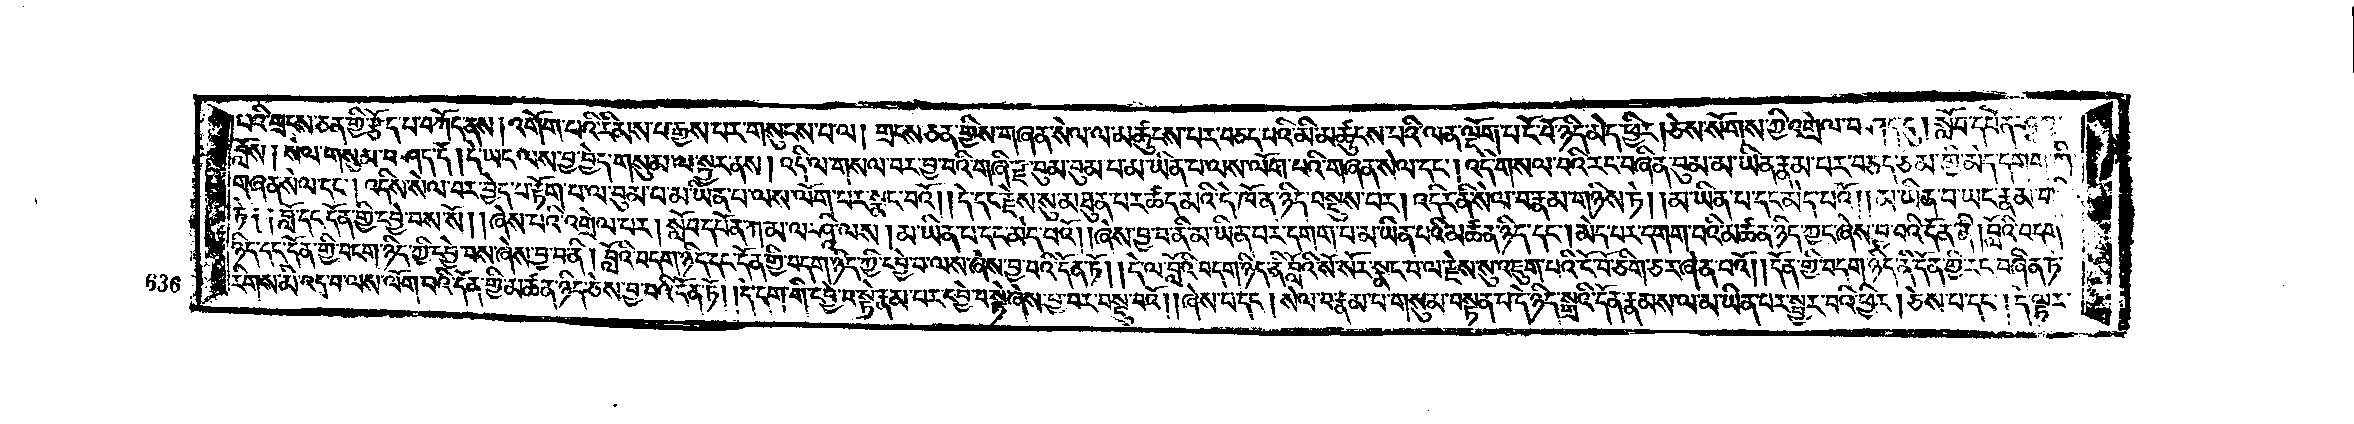པའི་གྲངས་ཅན་གྱི་རྩོད་པ་བཀོད་ནས། འགོག་པའི་རིམས་པ་རྒྱས་པར་གསུངས་པ་ལ། གྲངས་ཅན་གྱིས་གཞན་སེལ་ལ་མཚུངས་པར་བཅད་པའི་མི་མཚུངས་པའི་ལན་ལྡོག་པ་ངོ་བོ་ཉིད་མེད་ཕྱིར། ཅེས་སོགས་ཀྱི་འགྲེལ་བཤད་དུ། སློབ་དབོན་ཤཱཀྱ་
བློས། སེལ་གསུམ་བཤད་དོ། །དེ་ཡང་ལས་བྱ་བྱེད་གསུམ་ལ་སྦྱར་ནས། འདི་ལ་གསལ་བར་བྱ་བའི་གཞི་རྫ་བུམ་བུམ་པ་མ་ཡིན་པ་ལས་ལོག་པའི་གཞན་སེལ་དང་། འདི་གསལ་བའི་རང་བཞིན་དུམ་མ་ཡིན་རྣམ་པར་བཅད་ཙམ་གྱི་མེད་དགག་གྱི་
གཞན་སེལ་དང་། འདིས་སེལ་བར་བྱེད་པ་རྟོག་ཨ་ལ་བུམ་པ་མ་ཡིན་པ་ལས་ལོག་པར་སྣང་བའོ། །དེ་དང་རྗེས་སུ་མཐུན་པར་ཚད་མའི་དེ་ཁོ་ན་ཉིད་བསྡུས་པར། འདིར་ནི་སེལ་བ་རྣམ་གཉིས་ཏེ། མ་ཡིན་པ་དང་མེད་པའོ། །མ་ཡིན་པ་ཡང་རྣམ་གཉིས་
ཏེ། །བློ་དང་དོན་གྱི་དབྱེ་བས་སོ། །ཞེས་པའི་འགྲེལ་པར། སློ་དཔོན་ཀ་མ་ལ་ཤཱི་ལས། མ་ཡིན་པ་དང་མེད་པའོ། །ཞེས་བྱ་བ་ནི་མ་ཡིན་པར་དགག་པ་མ་ཡིན་པའི་མཚན་ཉིད་དང་། མེད་པར་དགག་པའི་མཚན་ཉིད་ཀྱང་ཞེས་བྱ་བའི་དོན་ནི། བློའི་བདག་
ཉིད་དང་དོན་གྱི་བདག་ཉིད་ཀྱི་དབྱེ་བས་ཞེས་བྱ་བ་ནི། བློའི་བདག་ཉིད་དང་དོན་གྱི་བདག་ཉིད་ཀྱི་དབྱེ་བ་ལས་ཞེས་བྱ་བའི་དོན་ཏོ། །དེ་ལ་བློའི་བདག་ཉིད་ནི་བློའི་སོ་སོར་སྣང་བ་ལ་རྗེས་སུ་འཇུག་པའི་ངོ་བོ་ཅིག་ཅར་ཞེན་བའོ། །དོན་གྱི་བདག་ཉིད་ནི་དོན་གྱི་རང་བཞིན་ཏ་
རིགས་མ་འདྲ་བ་ལས་ལོག་པའི་དོན་གྱི་མཚན་ཉིད་ཅེས་བྱ་བའི་དོན་ཏོ། །དེ་དག་གི་དབྱེ་བ་སྟེ་རྣམ་པར་དབྱེ་བ་སྟེ་ཞེས་བྱ་བར་བསྡུ་བའོ། །ཞེས་པ་དང་། སེལ་བ་རྣམ་པ་གསུམ་བསྟན་པ་དེ་ཉིད་སྒྲའི་དོན་རྣམས་ལ་མ་ཡིན་པར་སྦྱར་བའི་ཕྱིར། ཅེས་པ་དང་། དེ་ལྟར་